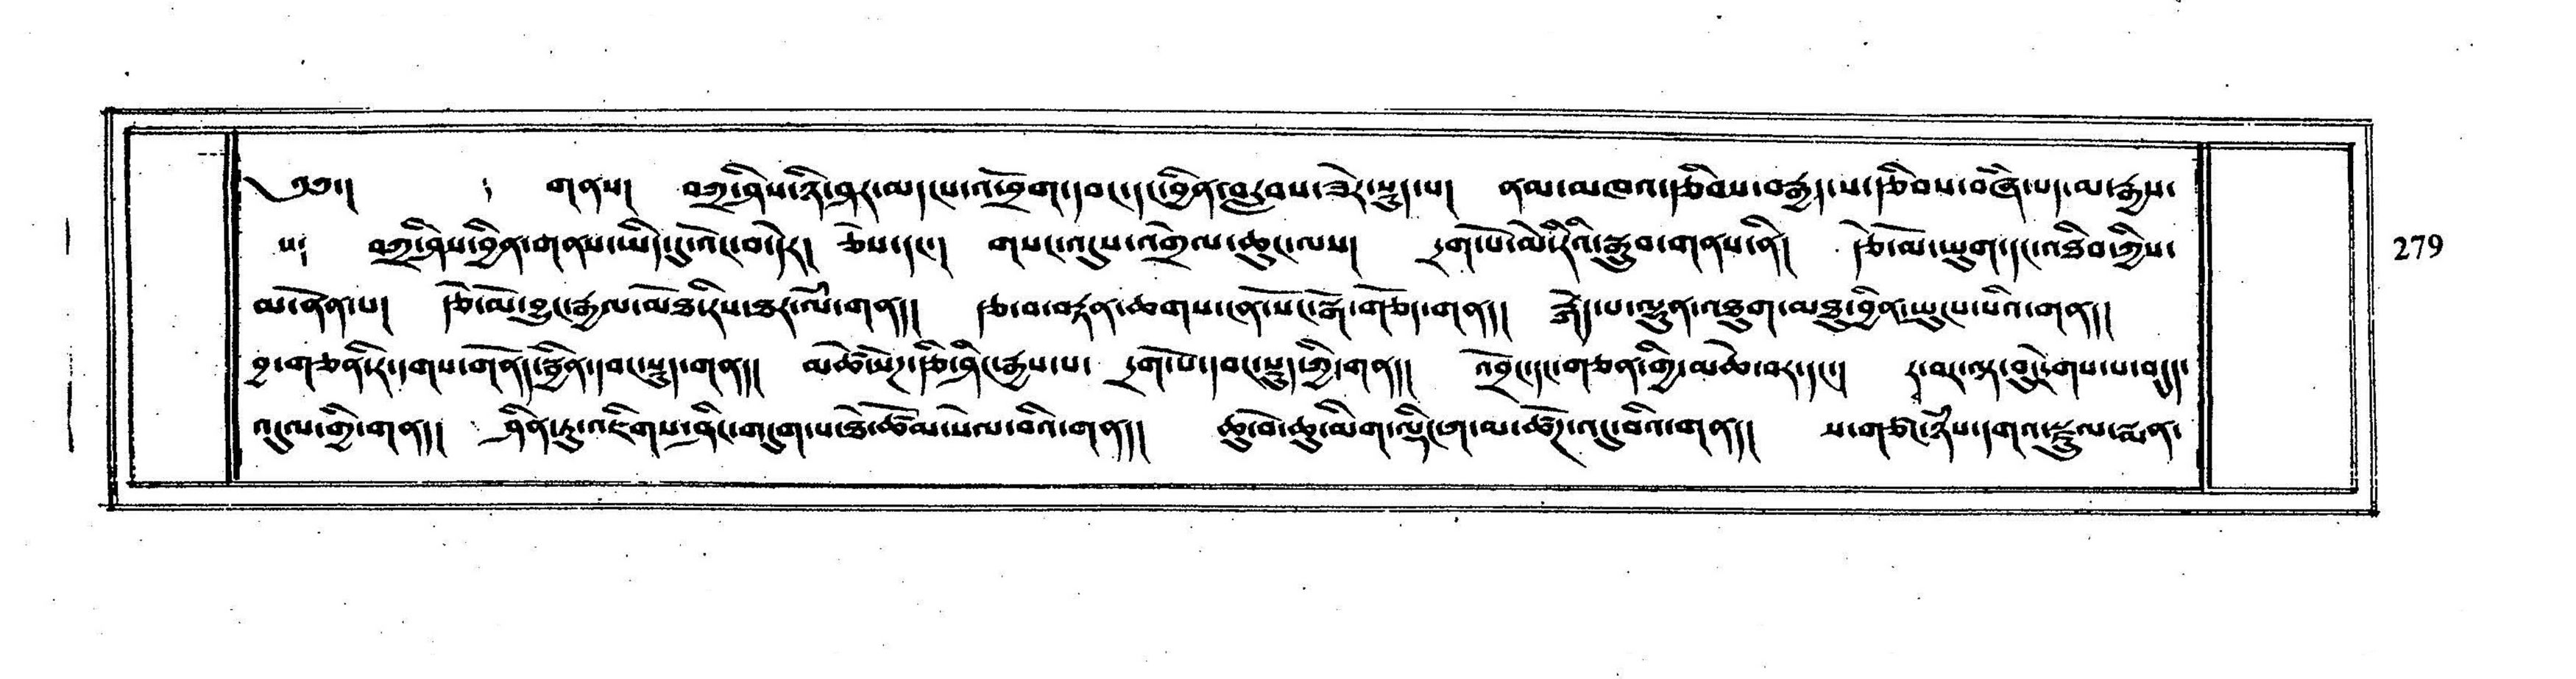གནས། བཀྲ་ཤིས་ཉི་ཤར་མདངས་འཕྲོག་དབང་དང་བྱིན་བརླབས་ཟེར་སྡུད་པ། ནམ་མཁའ་རྩིབས་བརྒྱད་པ་རྩིབས་བཞི་པད་མ་རྒྱས་
པ། བཀྲ་ཤིས་བྱིན་གནས་ཡིད་དུ་འོང་བ་དེར། ཅེས་དང་། གསང་འདུས་འགྲེལ་ཆུང་ལས། དྲག་པོ་མེ་རིའི་སྒྲུབ་གནས་ནི། རྩེ་མོ་ཡུག་དང་འཐིབ་ཀྱིས་
མ་ནོན་པ། རྩེ་མོ་བྱུང་རྒྱལ་མཐོ་རིས་ཐར་ལམ་གནད། རྩ་བ་བརྟན་ཆགས་ངན་སོང་སྒོ་གཅོད་གནད། རྐེད་པ་ལྷུན་འཐུག་མཐུ་བྱིན་སྤུངས་པའི་གནད། 
བྱ་གཅན་རི་དགས་གནོད་སྦྱིན་དབང་སྡུད་གནད། མཚོ་སོགས་རྩི་ཤིང་རྒྱས་པ་དྲག་པོ་དབང་སྡུད་ཀྱི་གནད། འབྲོང་དང་གཅན་གྱི་མཆེ་བར་དང་། རྭ་བར་ལྟ་བུ་དྲེགས་པ་བདུད་
འདུལ་གྱི་གནད། ཤིན་ཏུ་འཇིགས་ཤིང་གདུག་པ་ཐེ་ཚོམ་སེལ་བའི་གནད། ཆུ་བོ་ཆུ་མིག་ལྡིང་ཀ་མ་ཚོགས་འདུ་བའི་གནད། ས་གཙང་ཉམས་དགའ་རྫུ་འཕྲུལ་སྨན་